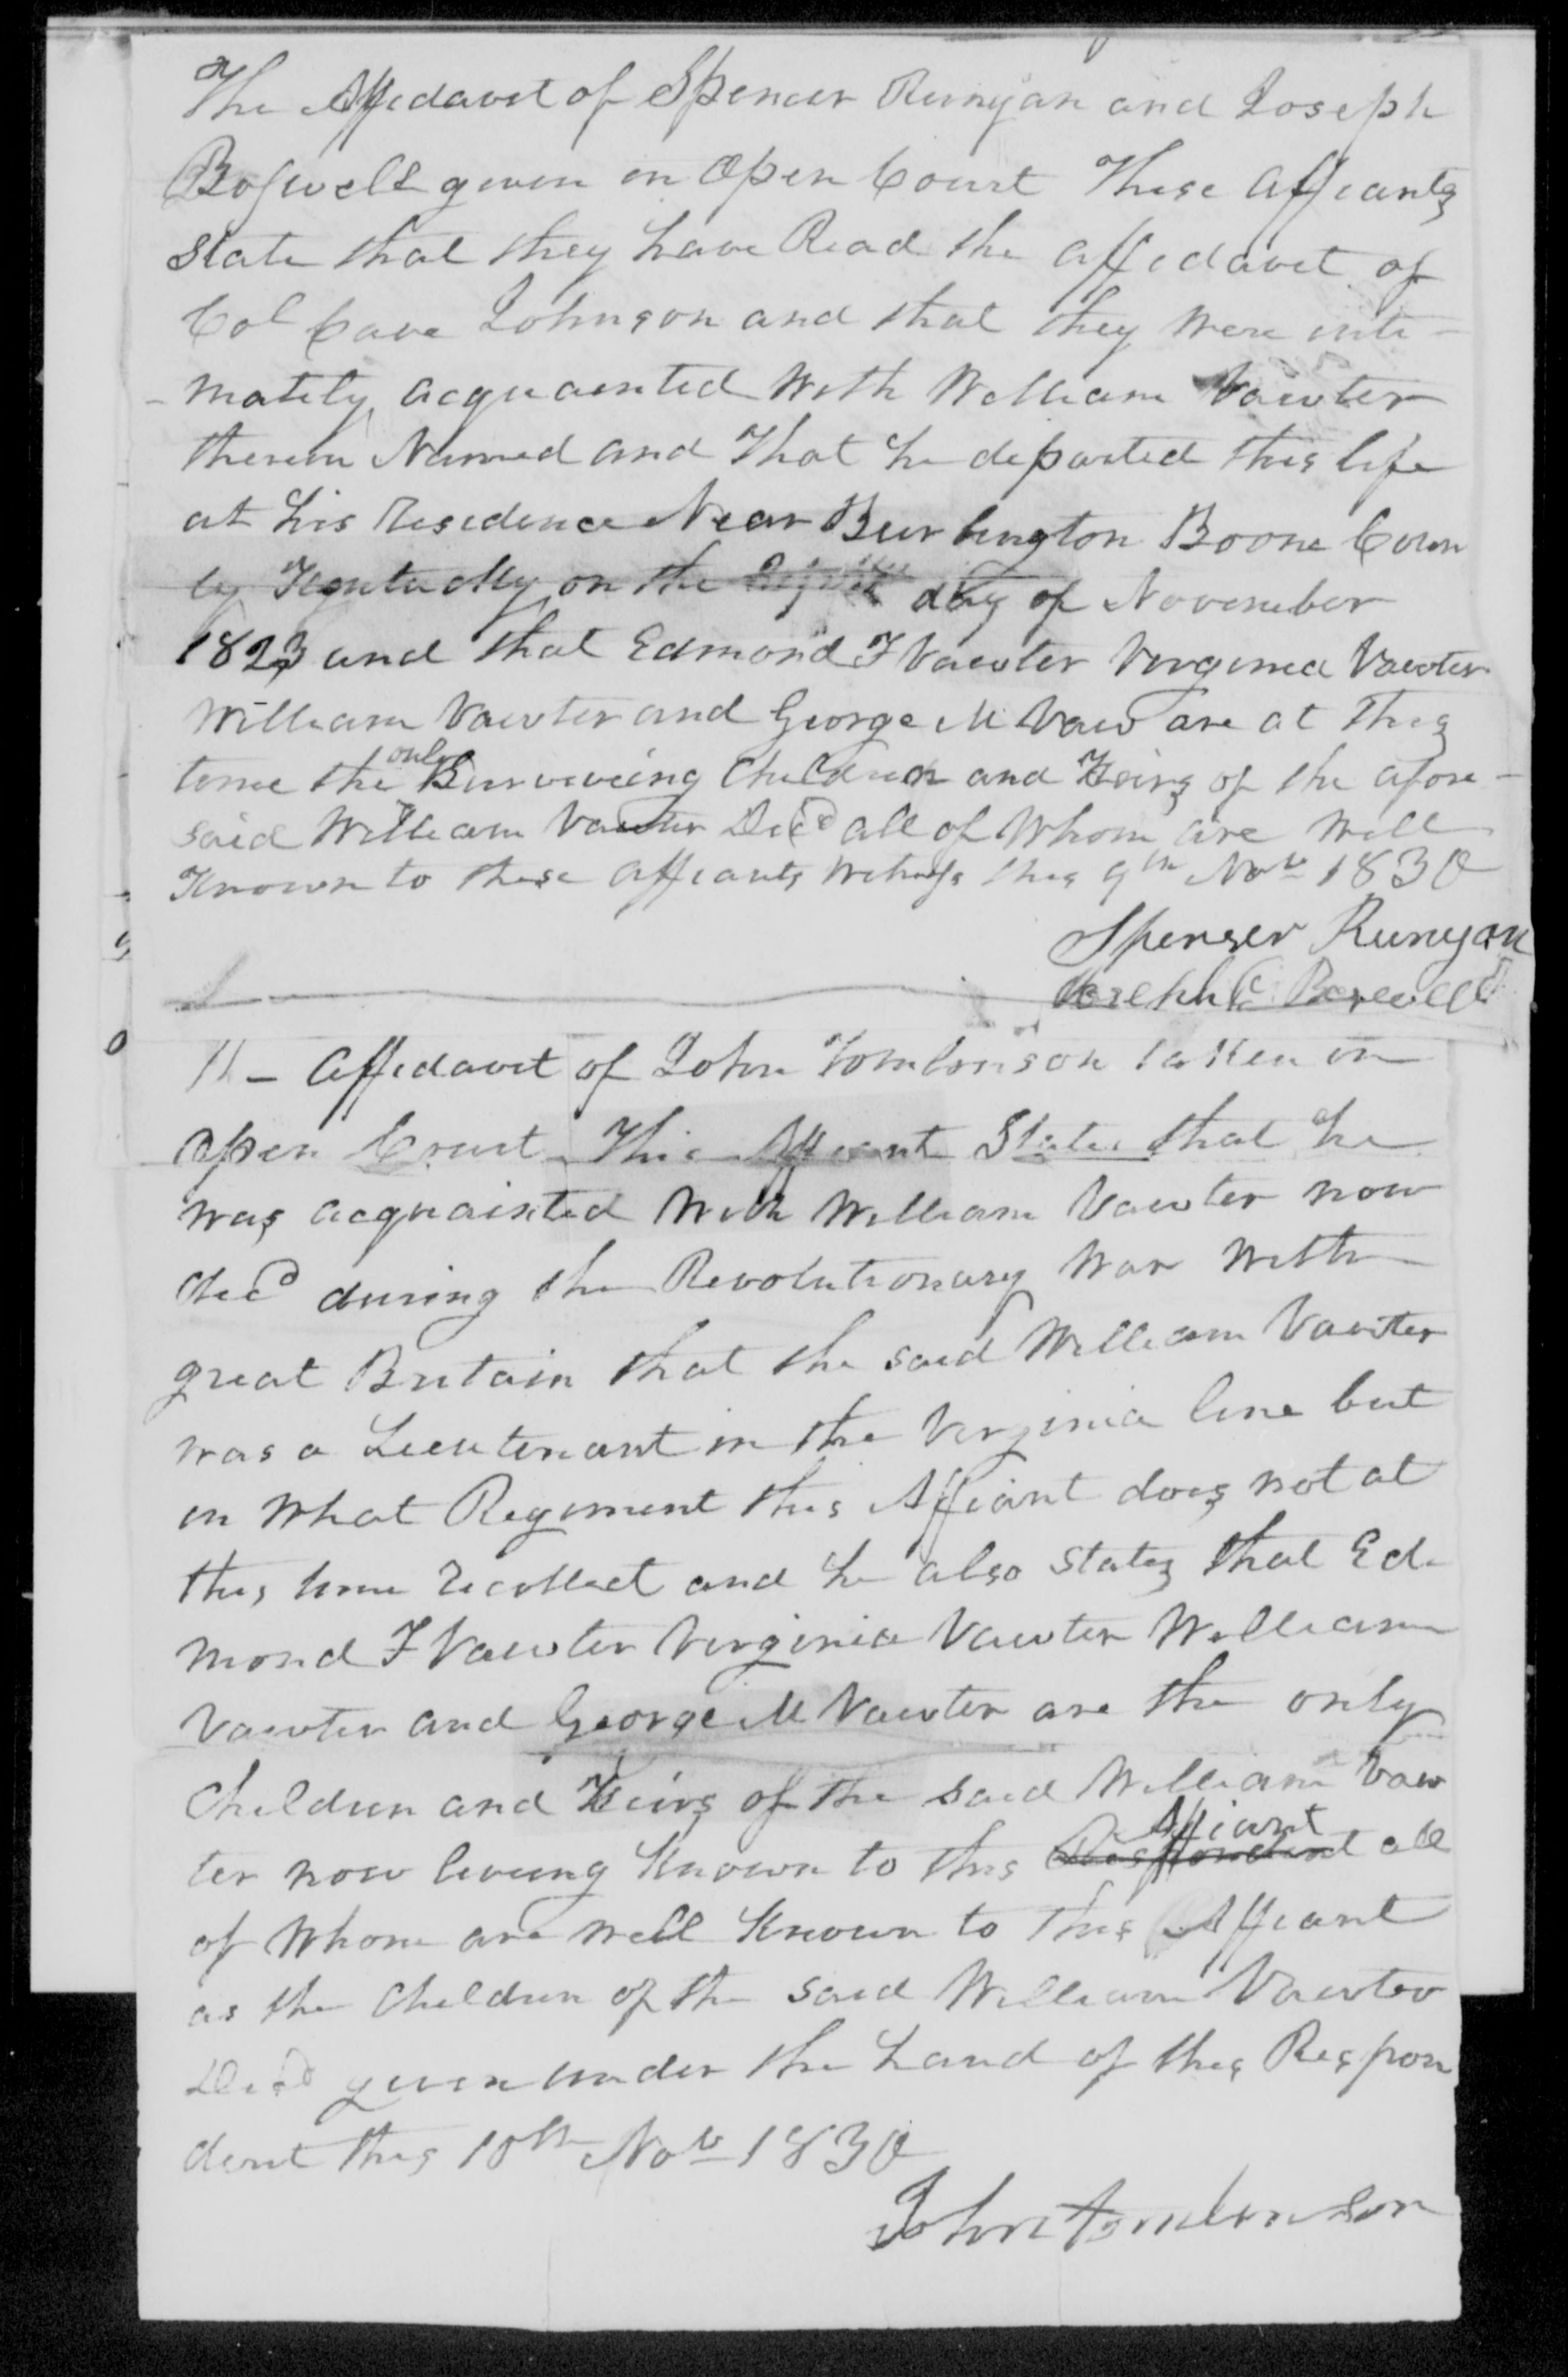The Affidavit of Spencer Regan and Joseph
Boswell given in Open Court These affiants
state that they have read the affidavit of
Col Cave Johnson and that they were intimately acquainted with William Vawter
therein named and that he departed this life
at his residence Near Burlington Boone County
Kentucky on the [...illegible] day of November
1823 and that Edmond F Vawter Virginia Vawter
William Vawter  and George M Vawter are at the
time the only surviving children and Heirs of the afore
said William Vawter Decd all of whom are well
Known to these affiants Witness this 9th Novr 1830
Spenser Runyan
Joseph Boswell

the affidavit of John Tomlinson taken in
Open Court- This Affiant states that he
was acquainted with William Vawter now
decd during the Revolutionary War with
Great Britain that the said William Vawter
was a Lieutenant in the Virginia line but
in what Regiment this Affiant does not at
this time recollect and he also states that Edmond Vawter Virginia Vawter William
Vawter and George M Vawter are the only
children and Heirs of the said William Vawter 
now living known to this affiant all
of whom are well known to this Affiant
as the children of the said William Vawter
Decd Given under the hand of the Respondent 
this 10th Nov 1830
John Tomlinson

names: George M Vawter, John Tomlinson, Edmond F Vawter, William Vawter, William Vawter, Spencer Runyan, John Tomlinson, Spenser Runyan, William Vawter, William Vawter, Joseph Boswell, George M Van, William Vawter, William Vawter, William Vawter, William Vawter, Virginia Vawter, Cave Johnson, Virginia Vawter, Joseph P Boswell, Edmond F Vawter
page: 50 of 51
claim: rejected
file: R. 10,921, William Vawter, Va.